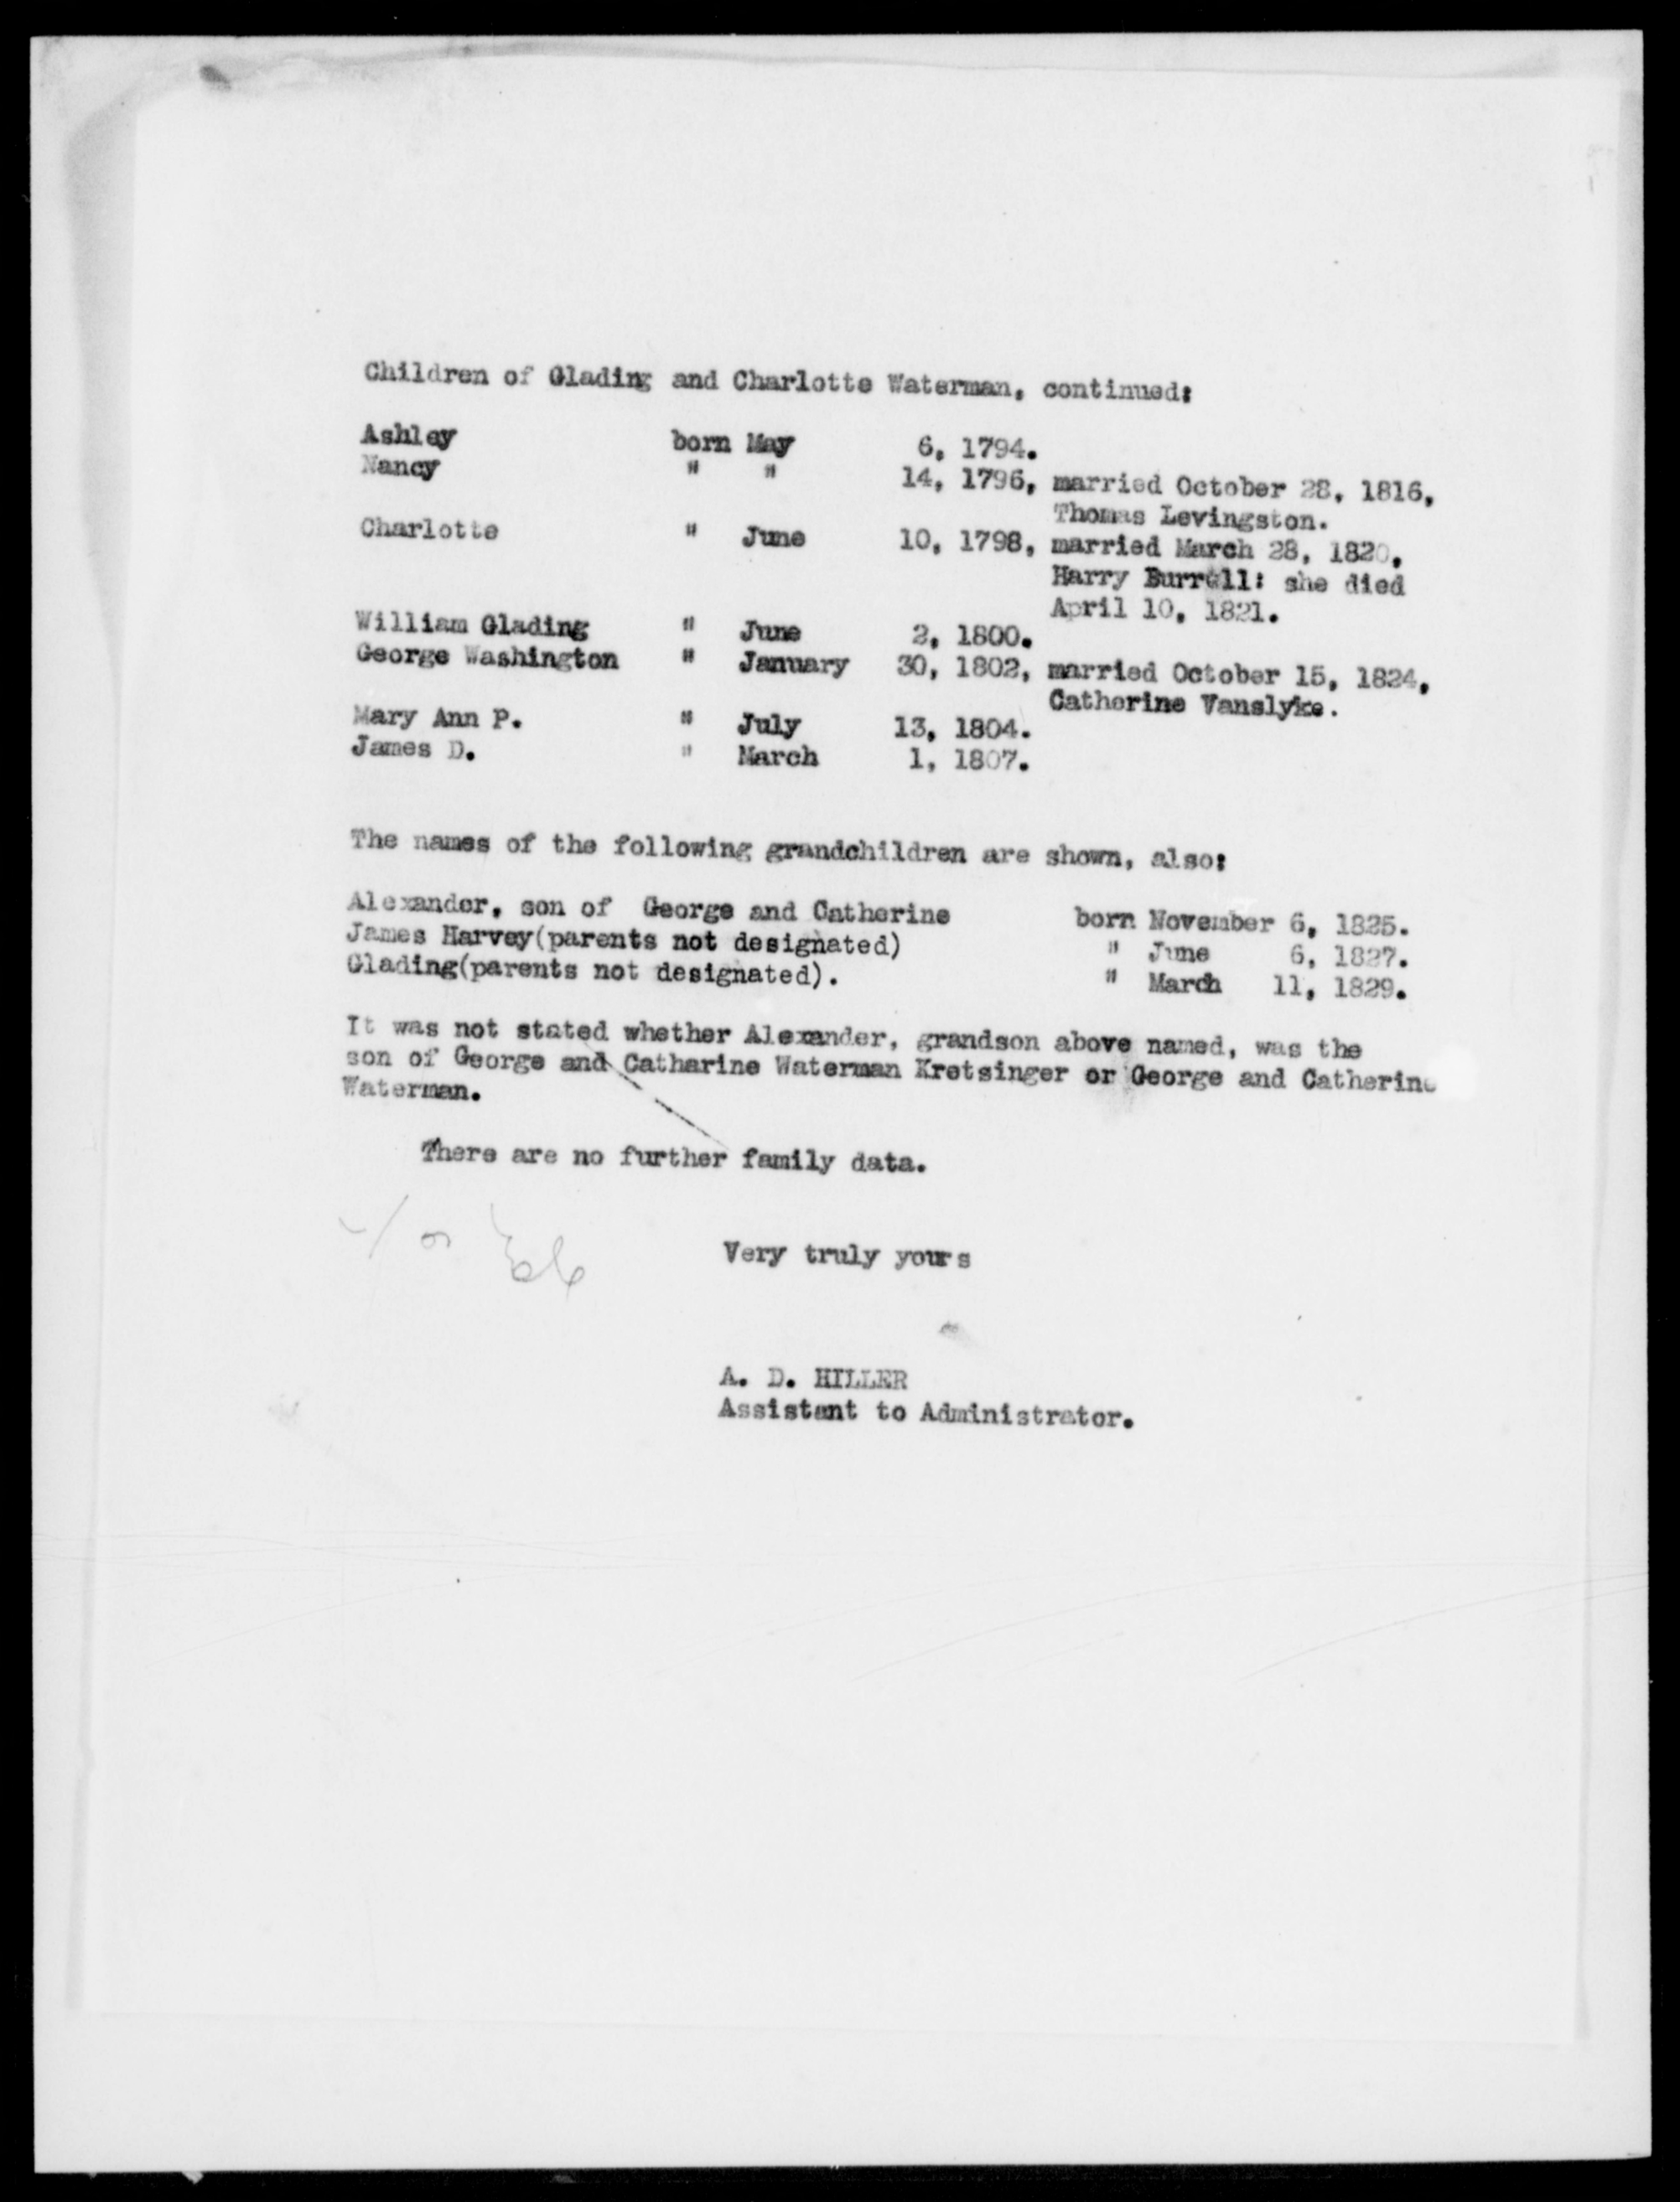Children of Glading and Charlotte Waterman, continued:
Ashley             born May 6, 1794.

Nancy                  "    May 14, 1796, married October 28, 1816, Thomas Levingston.

Charlotte           born June 10, 1798, married March 28, 1820, Harry Burrell: she died April 10, 1821.

William Glading     born June 2, 1800

George Washington born January 30, 1802, married October 15, 1824, Catherine Vanslyke.

Mary Ann P.               born July 13, 1804.

James D.                     born March 1, 1807.

The names of the following grandchildren are shown, also:
Alexander, son of George and Catherine, born November 6, 1825.

James Harvey (parents not designated), born June 6, 1827.

Glading (parents not designated), born March 11, 1829.

It was not stated whether Alexander, grandson above named, was the son of George and Catherine Waterman Kretsinger or George and Catherine Waterman.

There are no further family data.

Very truly yours,

A.D. HILLER
Assistant to Administrator.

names: Glading Waterman, Nancy, George Waterman, William Glading, Mary Ann P, A D Hiller, George Kretsinger, George Washington, Ashley, Catherine Vanslyke, Catharine Waterman Kretsinger, Charlotte Waterman, Harry Burrell, Thomas Levingston, James Harvey, Alexander, Catherine Waterman, James D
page: 29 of 50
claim: widow's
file: W. 15814, Glading Waterman, Conn. Conn. Sea Service Continental